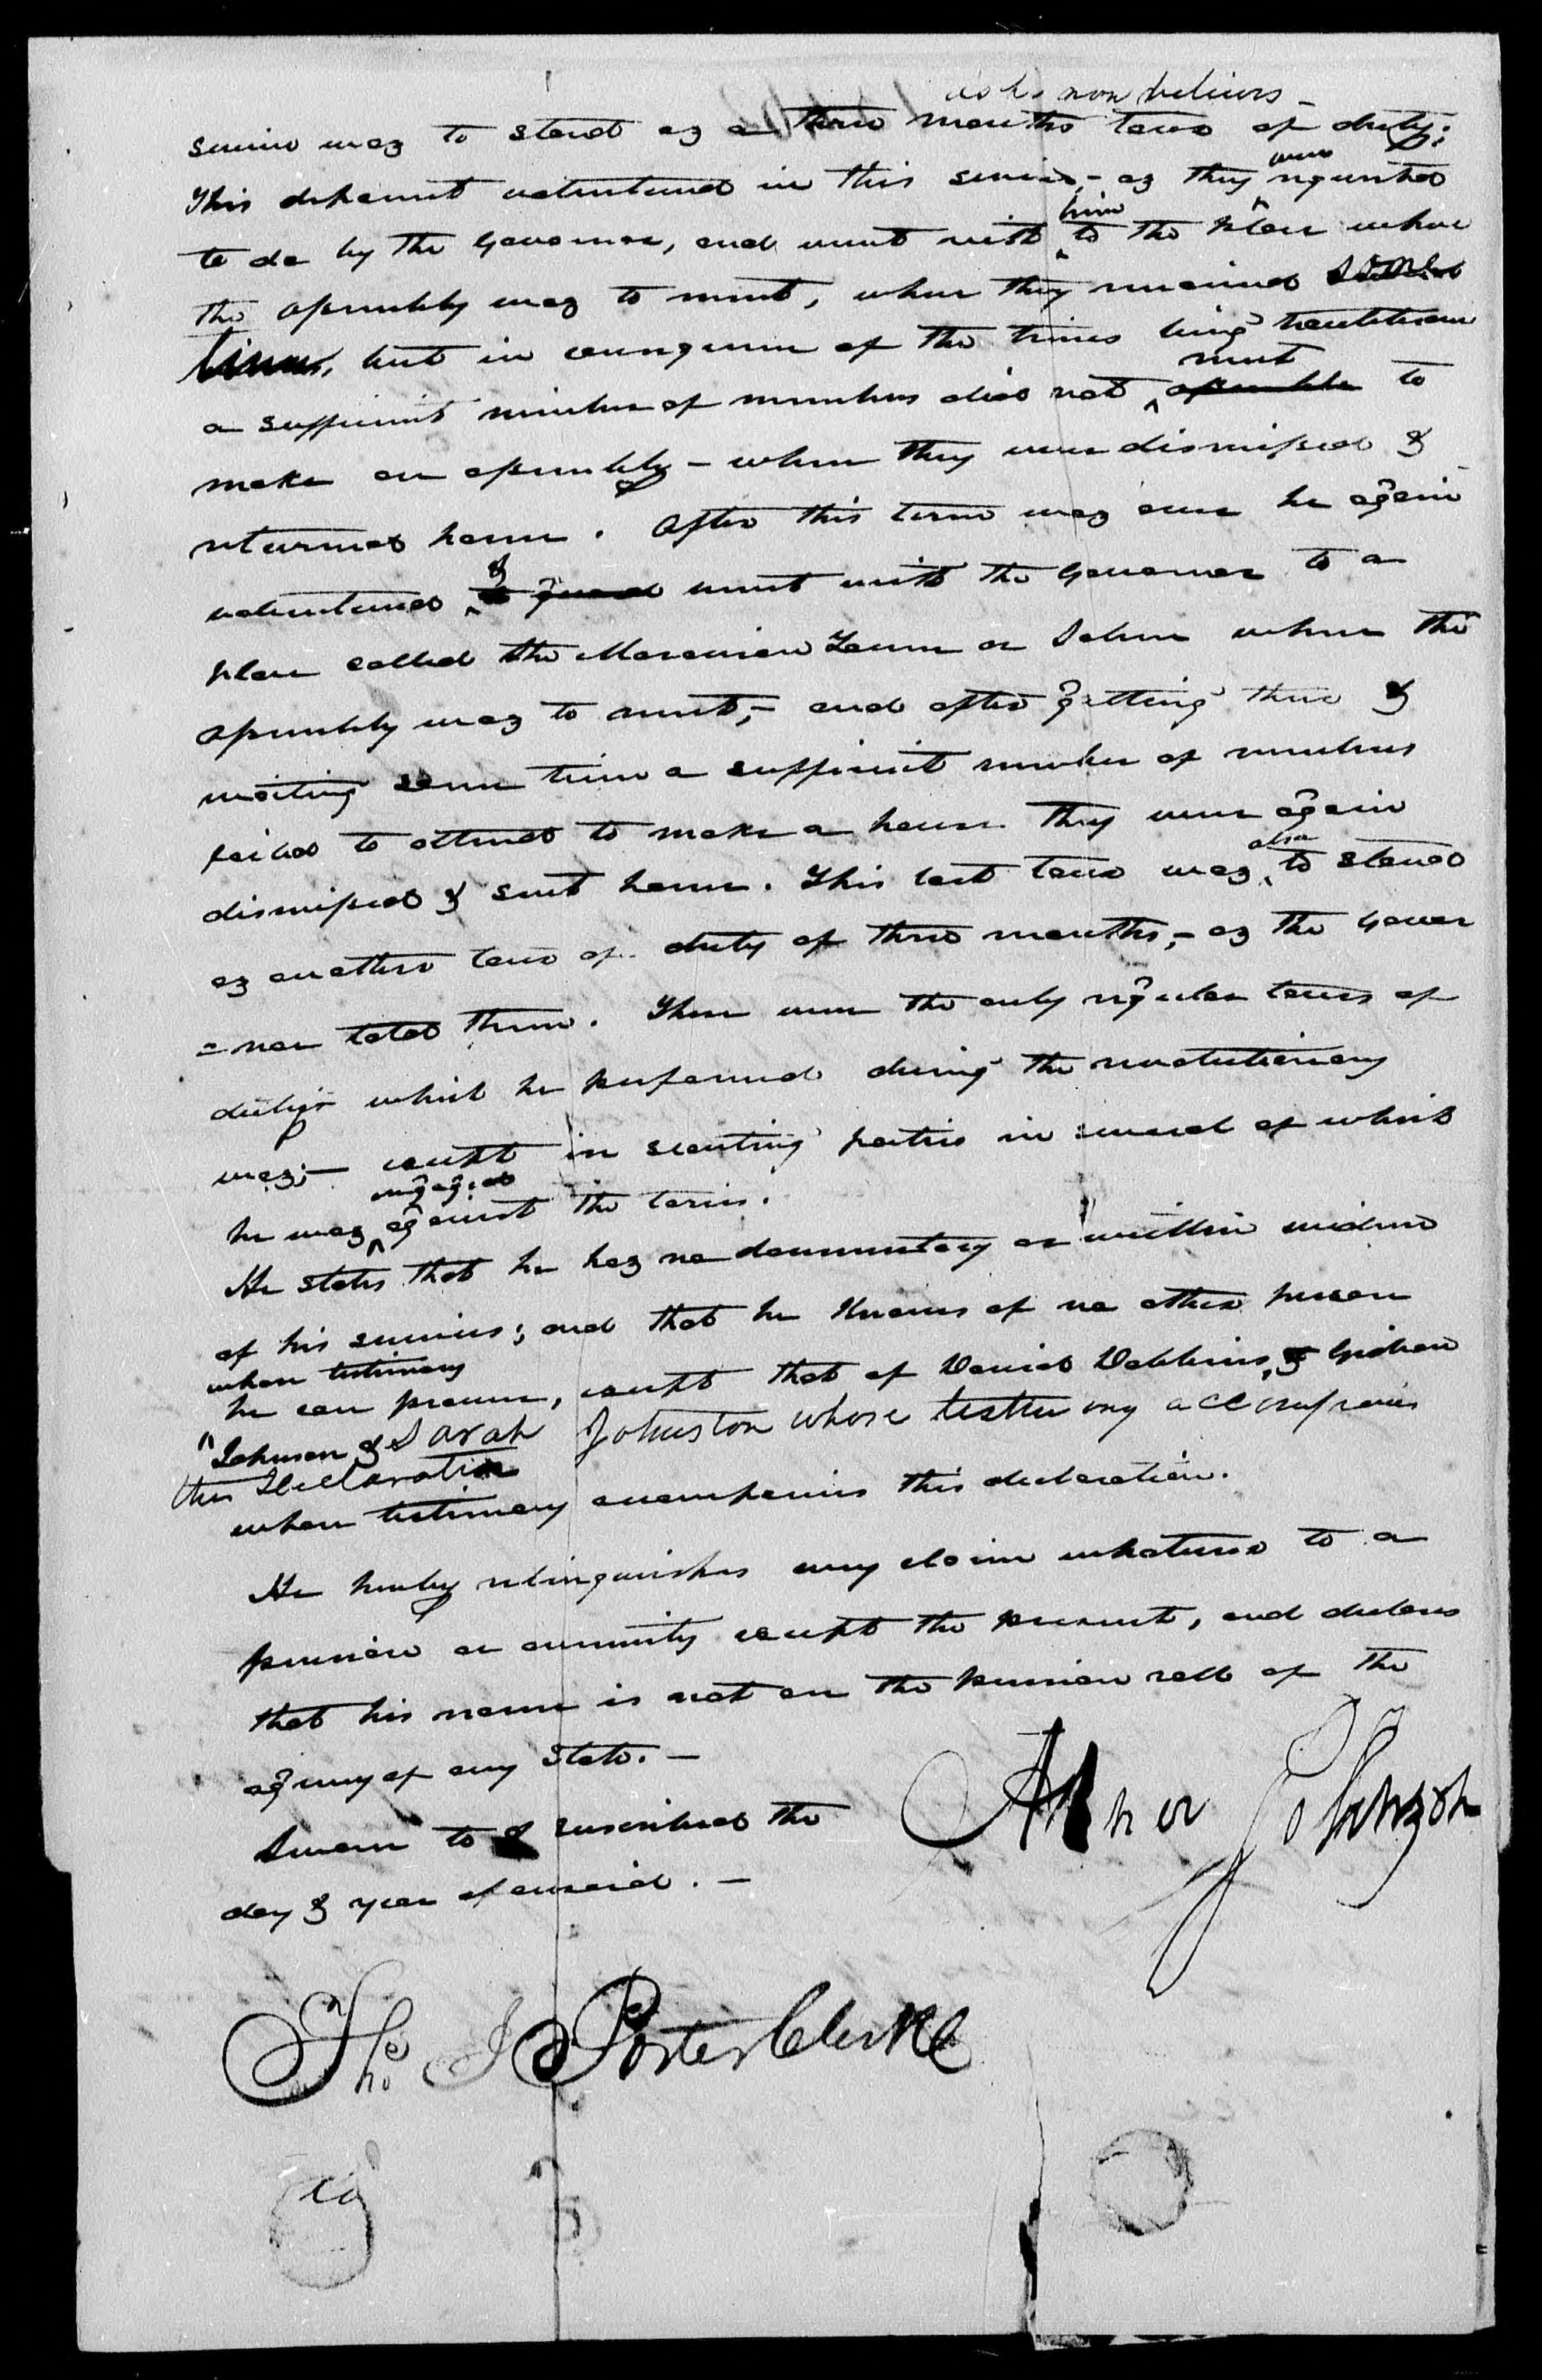this service was to stand as a three months 
tour of duty as he now believes; This deponent volunteered in this service -- as they were 
requested to do by the Governor, and went with him to the place where the assembly was to meet, where they remained some time, but in consequence of the times being troublesome a sufficient number of members did not meet to make an assembly -- when they were dismissed & returned home.  After this term was over he again volunteered & went with the Governor to a place called the Moravian Town or Salem where the assembly was to meet, -- and after getting there waiting some time a sufficient number of members failed to attend to make a house.  They 
were again dismissed & sent home.  This last tour was also to stand as another tour of duty of three months, -- as the Governor told them.  These were the only regular tours of duty which he performed during the revolutionary war; -- except in scouting parties in several of which he was engaged against the Tories. 
He states that he has no documentary written evidence of his services; and that he knows 
of no other person whose testimony he can procure, except that of David Dobbins, Gideon 
Johnson & Sarah Johnston whose testimony of companies this declaration. 
      He hereby relinquishes every claim whatever to a pension or annuity except the present, and declares that his name is not on the pension roll of the agency of any State. 
Sworn to & subscribed the day & year aforesaid. 
                     Abner Johnson  
 Thos. J. Porter, Clerk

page: 14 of 27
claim: rejected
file: R. 5649, for Abner Johnson, North Carolina